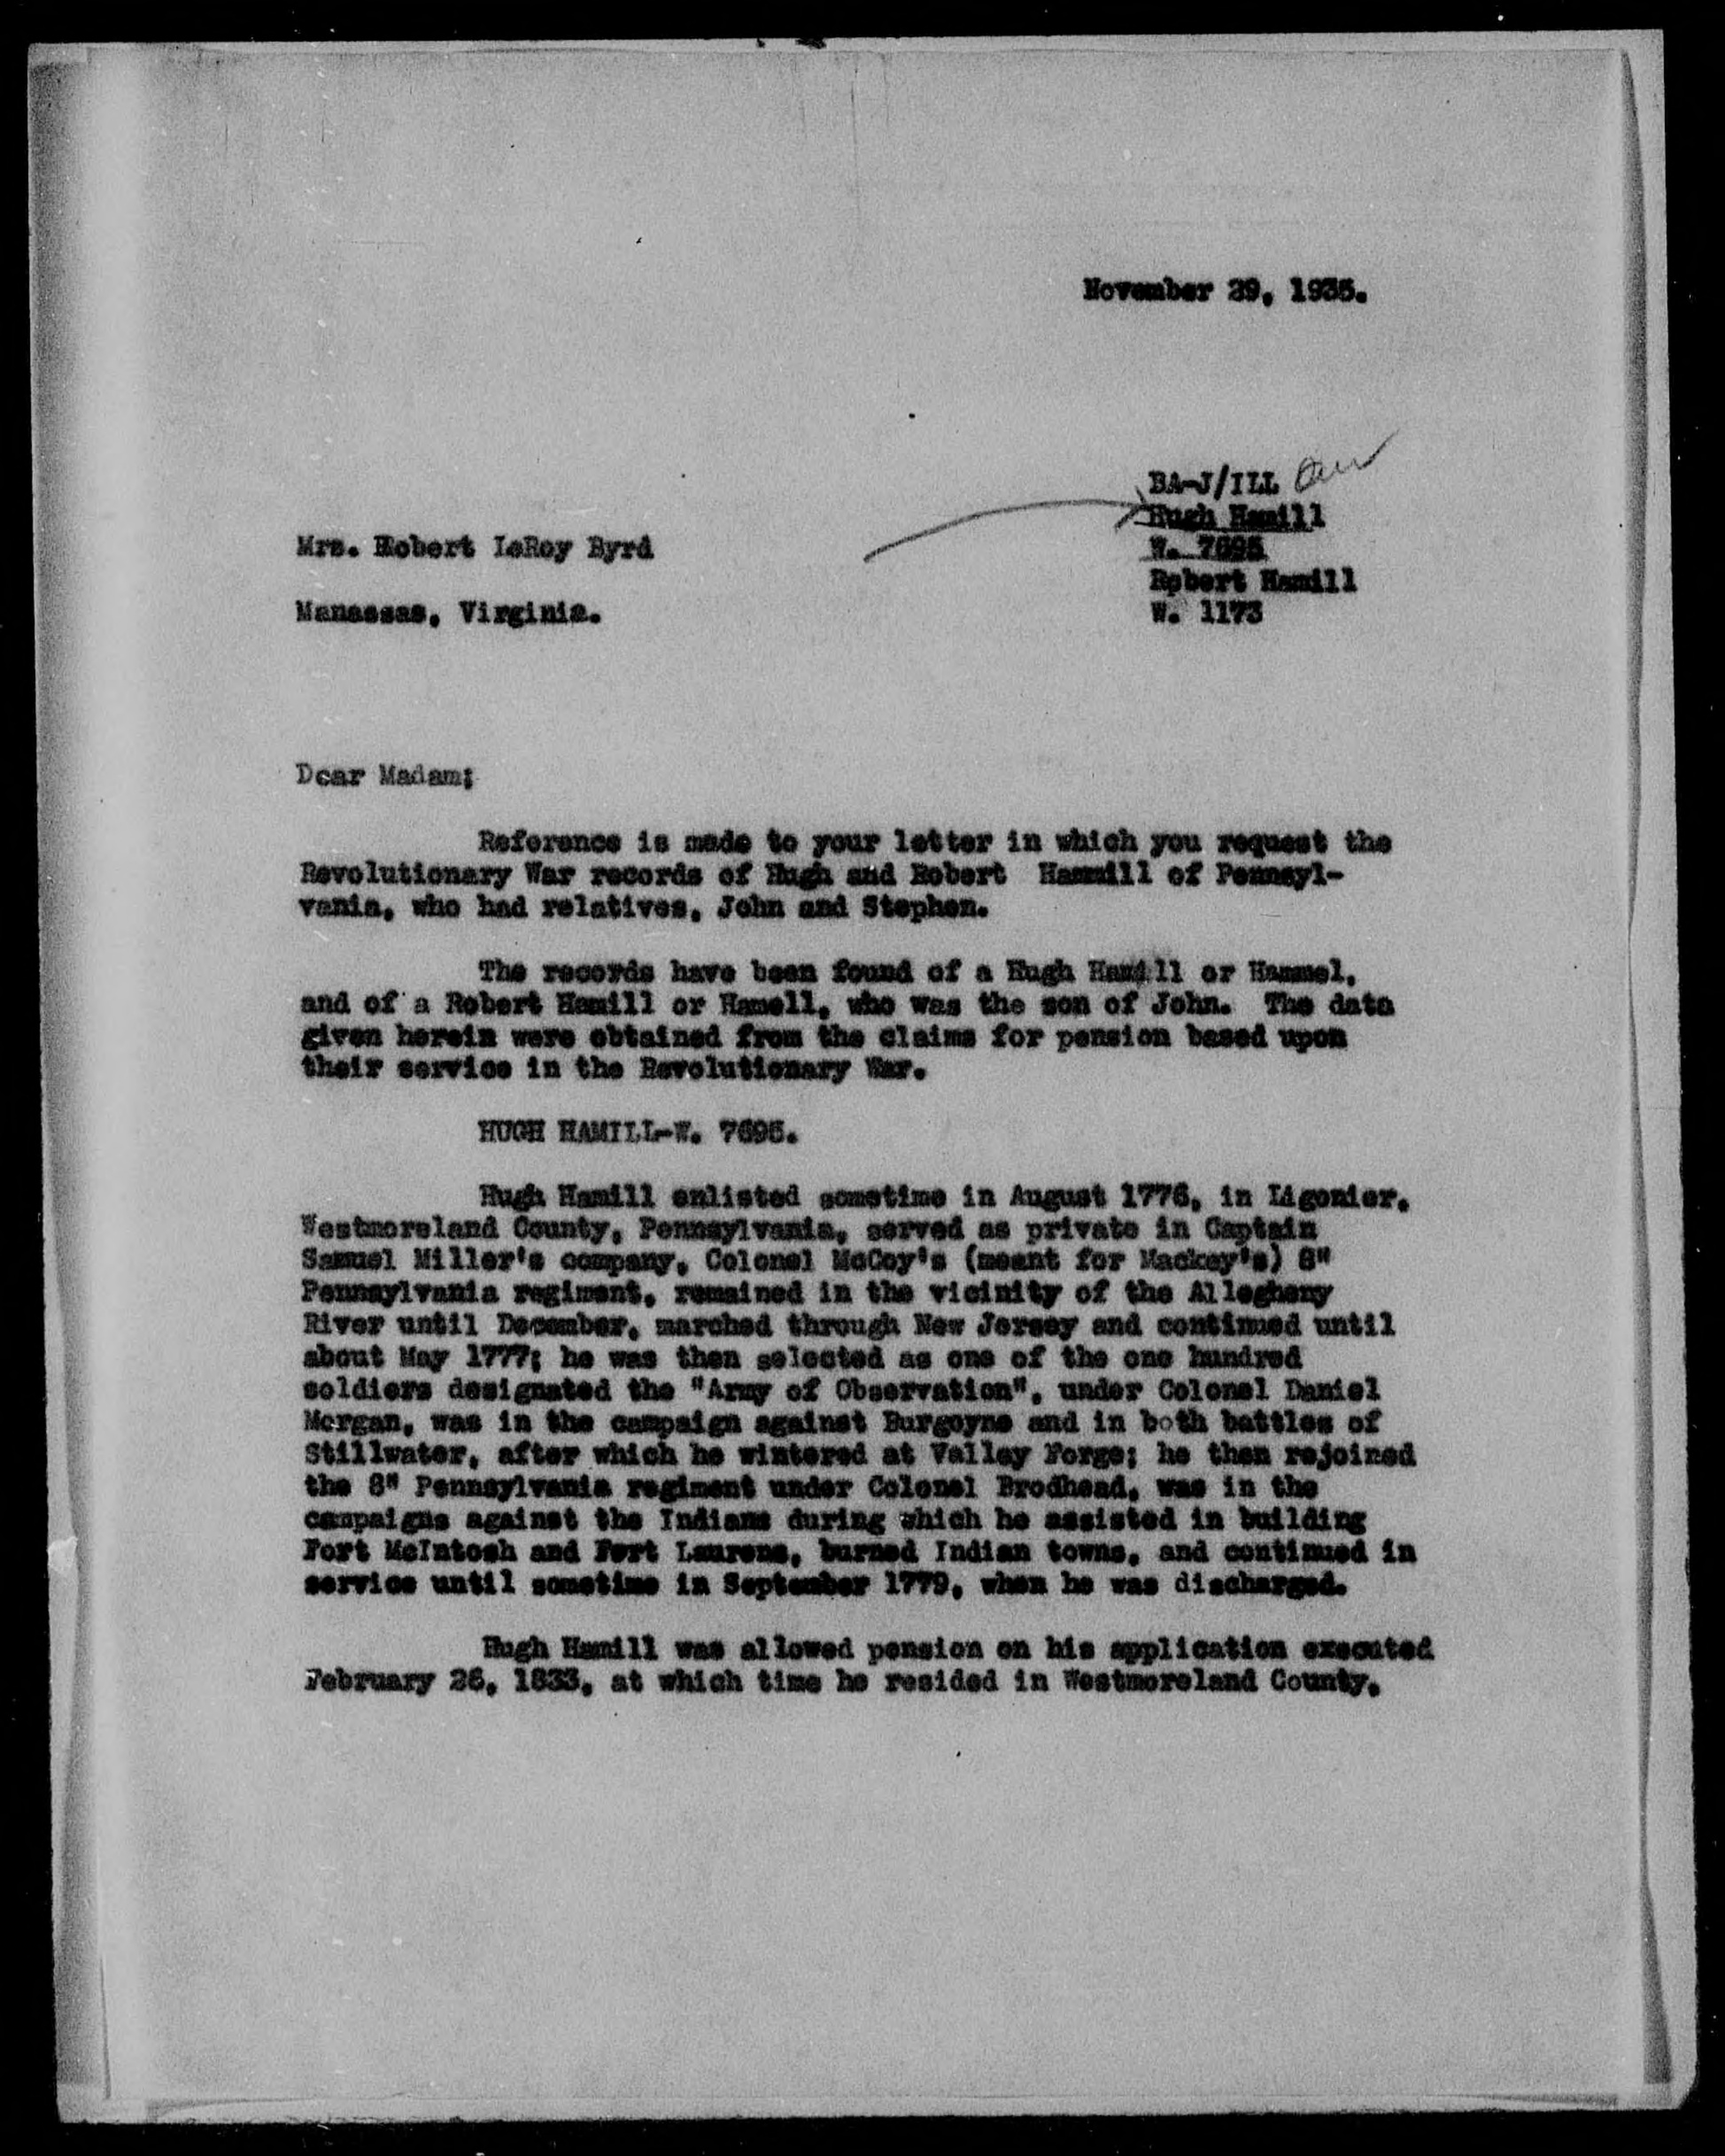November 29, 1955

BA-J ILL
Hugh Hamill
W. 7695
Robert Hamill
W. 1175

Mrs. Robert LeRoy Byrd
Manassas, Virginia

Dear Madam:

Reference is made  to your letter in which you request the Revolutionary War records of Hugh and Robert Hamill of Pennsylvania, who had relatives, John and Stephen.

The records have been found of Hugh Hamill and of Robert Hamill or Hamell, who was the son of John.  The data given herein were obtained from the claims for pension based upon their service in the Revolutionary War.

Hugh Hamill-W. 7695
Hugh Hamill enlisted sometime in August 1776, in Ligonier, Westmoreland County, Pennsylvania, served as private in Captain Samuel Miller's company, Colonel McCay's (meant for Mackay's) 8th Pennsylvania regiment, remained in the vicinity of the Alleghany River until December, marched through New Jersey and continued until about May 1777; he was then selected as one of the one hundred soldiers designated the "Army of Observation", under Colonel Daniel Morgan, was in the campaign against Burgayne and in both battles of Stillwater, after which he wintered at Valley Forge; he then rejoined the 8th Pennsylvania regiment under Colonel Brodhead, was in the campaigns against the Indians during which he assisted in building Fort McIntosh and Fort Lawrence, burned Indian towns, and continued in service until sometime in September, 1779, when he was discharged.

Hugh Hamill was allowed pension on his application executed February 26, 1833, at which time he resided in Westmoreland County.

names: Robert Hammill, Robert Le Roy Byrd, Daniel Morgan, John, Brodhead, Hugh Hamill, Robert Hamill, Hugh Hamill, Hugh Hamill, Burgoyne, Stephen, Robert Hamill, John, Hugh Hamill, Hugh Hamill, Hugh Hammel, Hugh Hammill, Robert Hamell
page: 49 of 92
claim: widow's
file: W 1173, Robert Hamill, Penn.